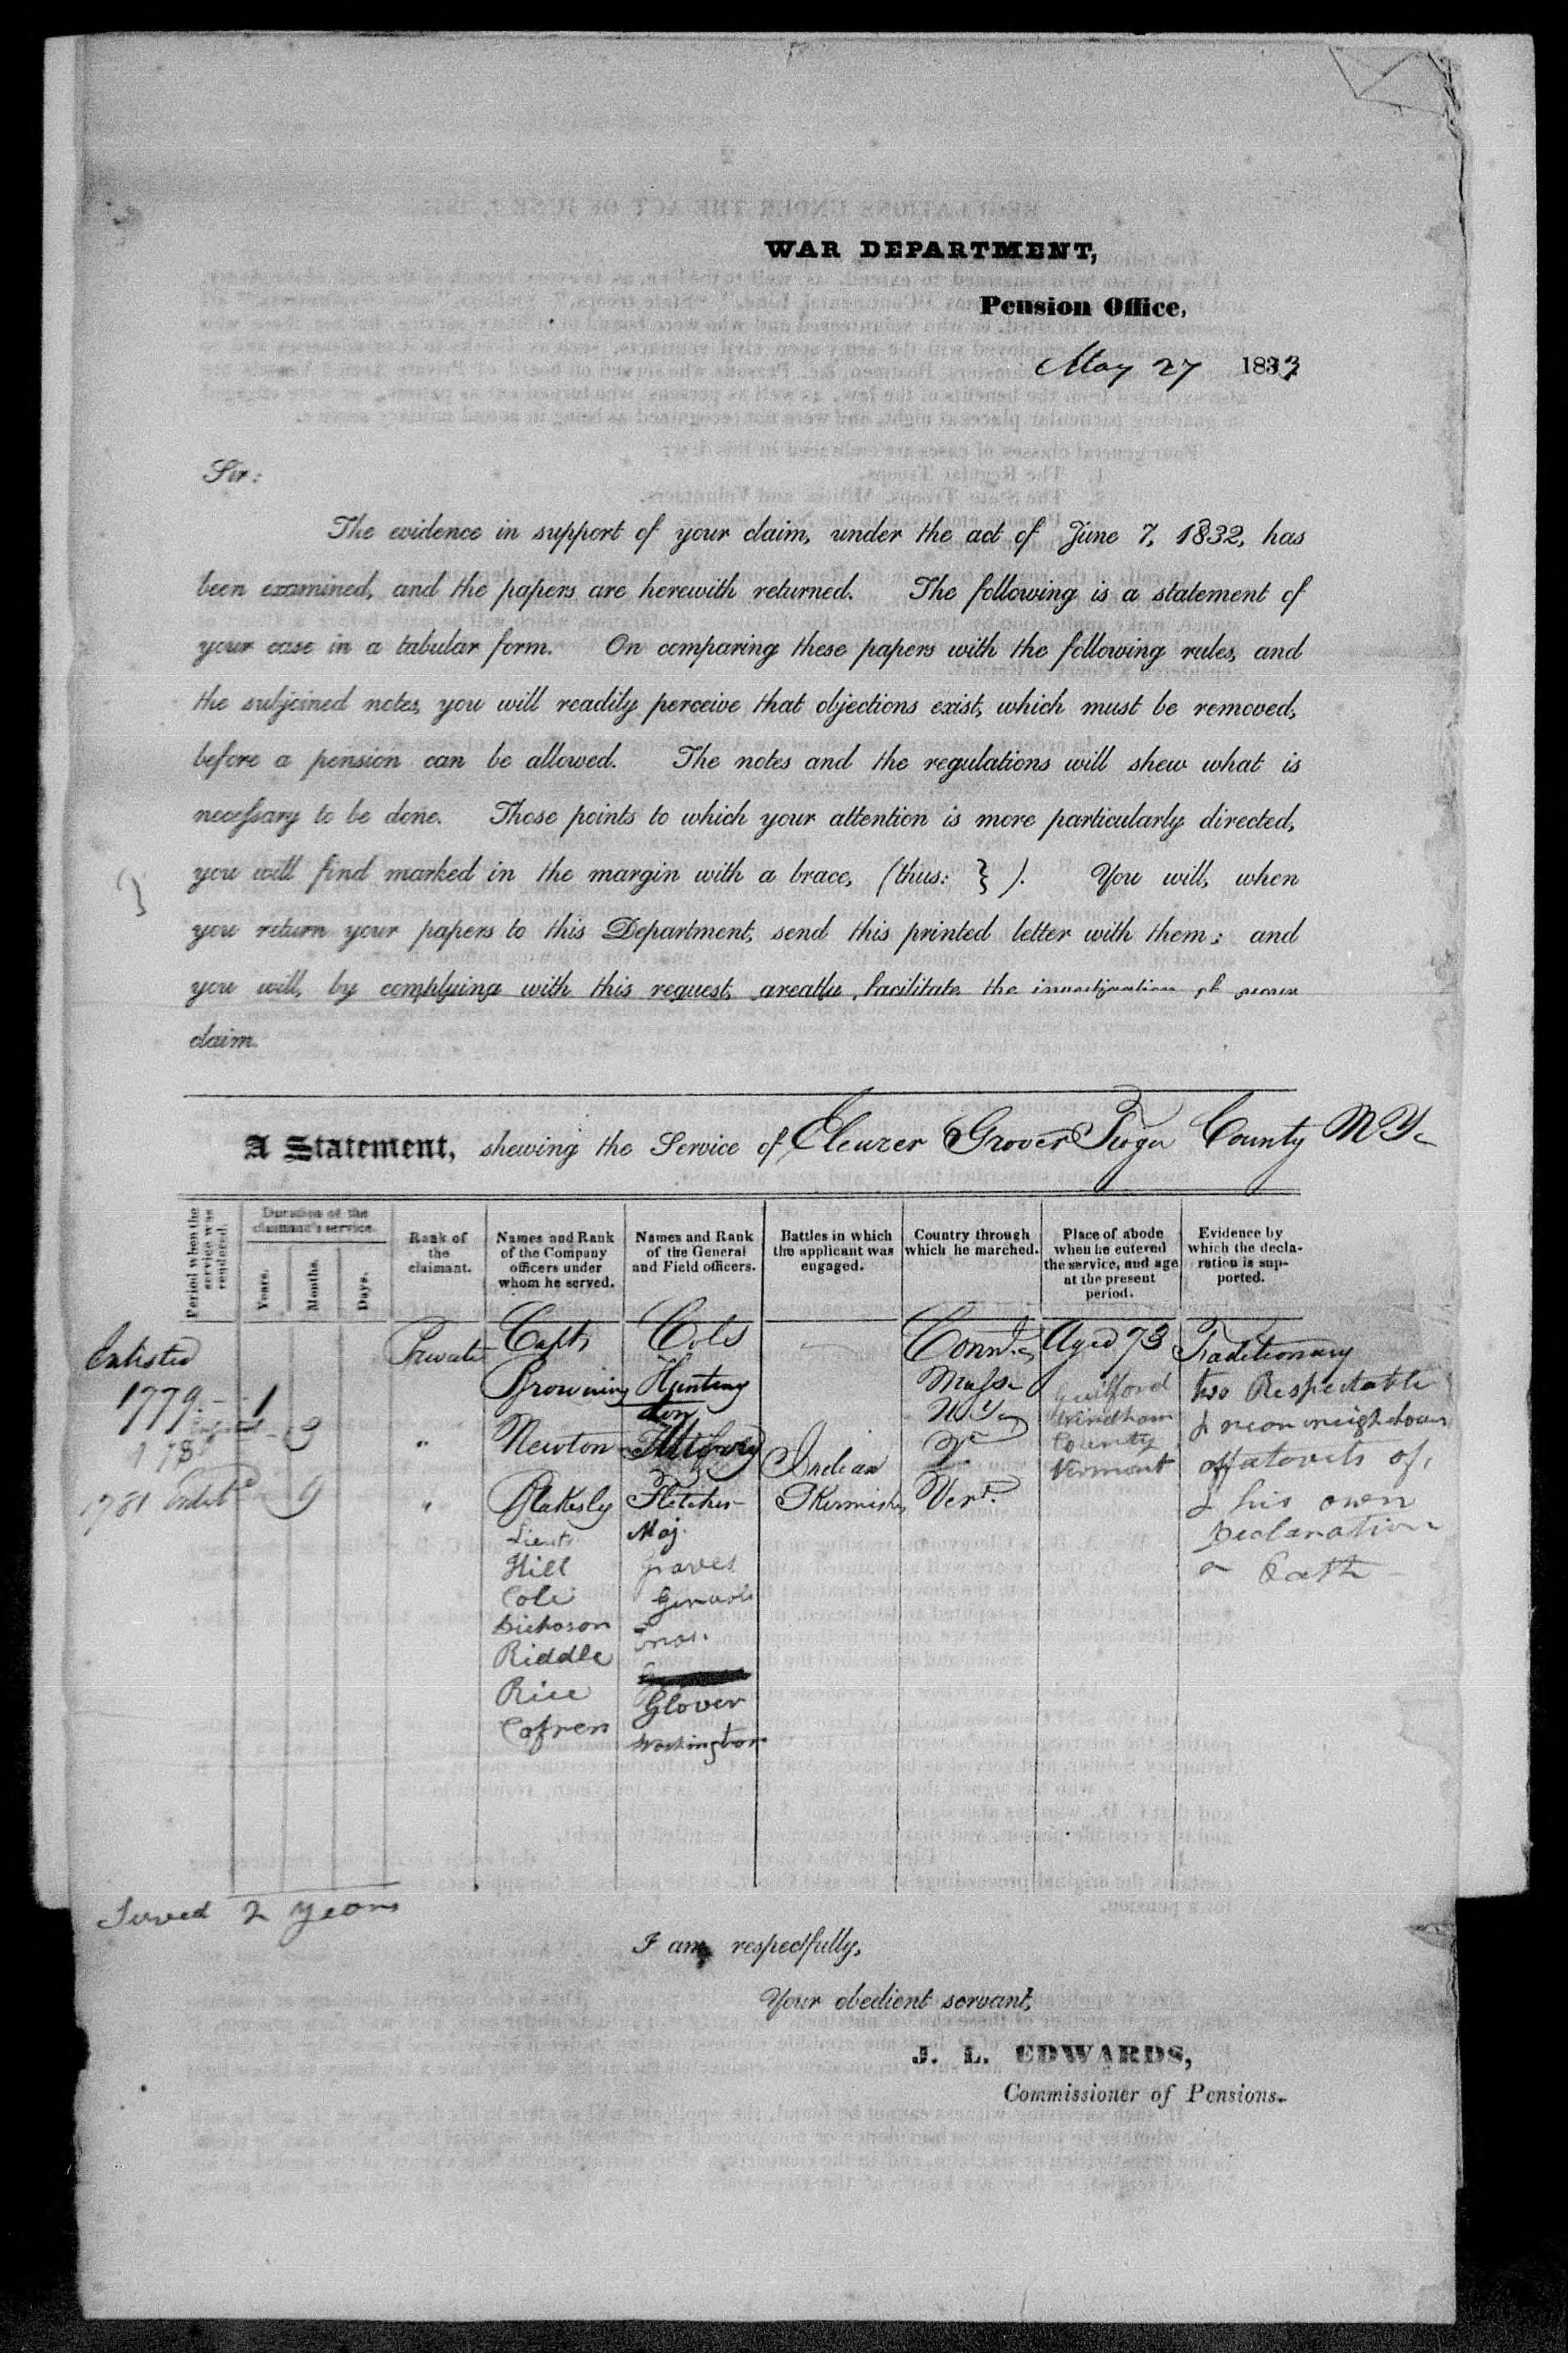WAR DEPARTMENT, Pension Office, May 27 1833

Sir:
The evidence in support of your claim, under the act of June 7, 1832, has been examined, and the papers are herewith returned. The following rules, and the subjoined notes, you will readily perceive that objections exist, which must be removed, before a pension can be allowed. The notes and the regulations will shew what is necessary to be done. Those points to which your attention is more particularly directed, you will find marked in the margin with a brace, (thus: }). You will, when you return your papers to this Department, sent this printed letter with them; and you will by complying with this request, greatly facilitate the investigation of your claim. 
A Statement, shewing the Service of Eleazer Grover Tioga County NY
[column headings: Period when the service was rendered.|Duration of the claimant's service.(Years.|Months.|Days.)|Rank of the claimant.|Names and Rank of the Company officers under whom he served.|Names and Rank of the General and Field officers.|Battles in which the applicant was engaged.|Country through which he marched.|Place of abode when he entered the service, and age at the present period.|Evidence by which the declaration is supported.|]
Inlisted1779|(1|[blank]|[blank])|Private|Capt. Browning|Cols Huntington|[blank]|Conn't Mass-|Aged 73|Traditionary two Respectable|
Enlisted 1780|([blank]|3|[blank])| " |Newton|Hutchins|Indian Skirmishes|NY V|Guilford Windham County|& near neighbours|
1781 Enlist'd|([blank]|9|[blank])| " |Blakesly Lieuts Hill Cole Dickson Riddle Rice Cofren|Fletcher Maj. Graves General Enos. ['Grover' crossed out] Glover Washington|[blank]|Ver't|Vermont|affatavits of, & his own Declaration & Oath - |
[end of columns]
Served 2 years
I am, respectfully, Your obedient servant,
J. L. EDWARDS, Commissioner of Pensions.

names: Blakesly, Eleazer Grover, Cofren, Rice, J L Edwards, Browning, Washington, Riddle, Glover, Dickoson, Graves, Hill, Huntington, Fletcher, Newton, Cole, Enos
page: 8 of 43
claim: survivor's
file: S. 28748, Eleazer Grover, Continental Mass. Vt.